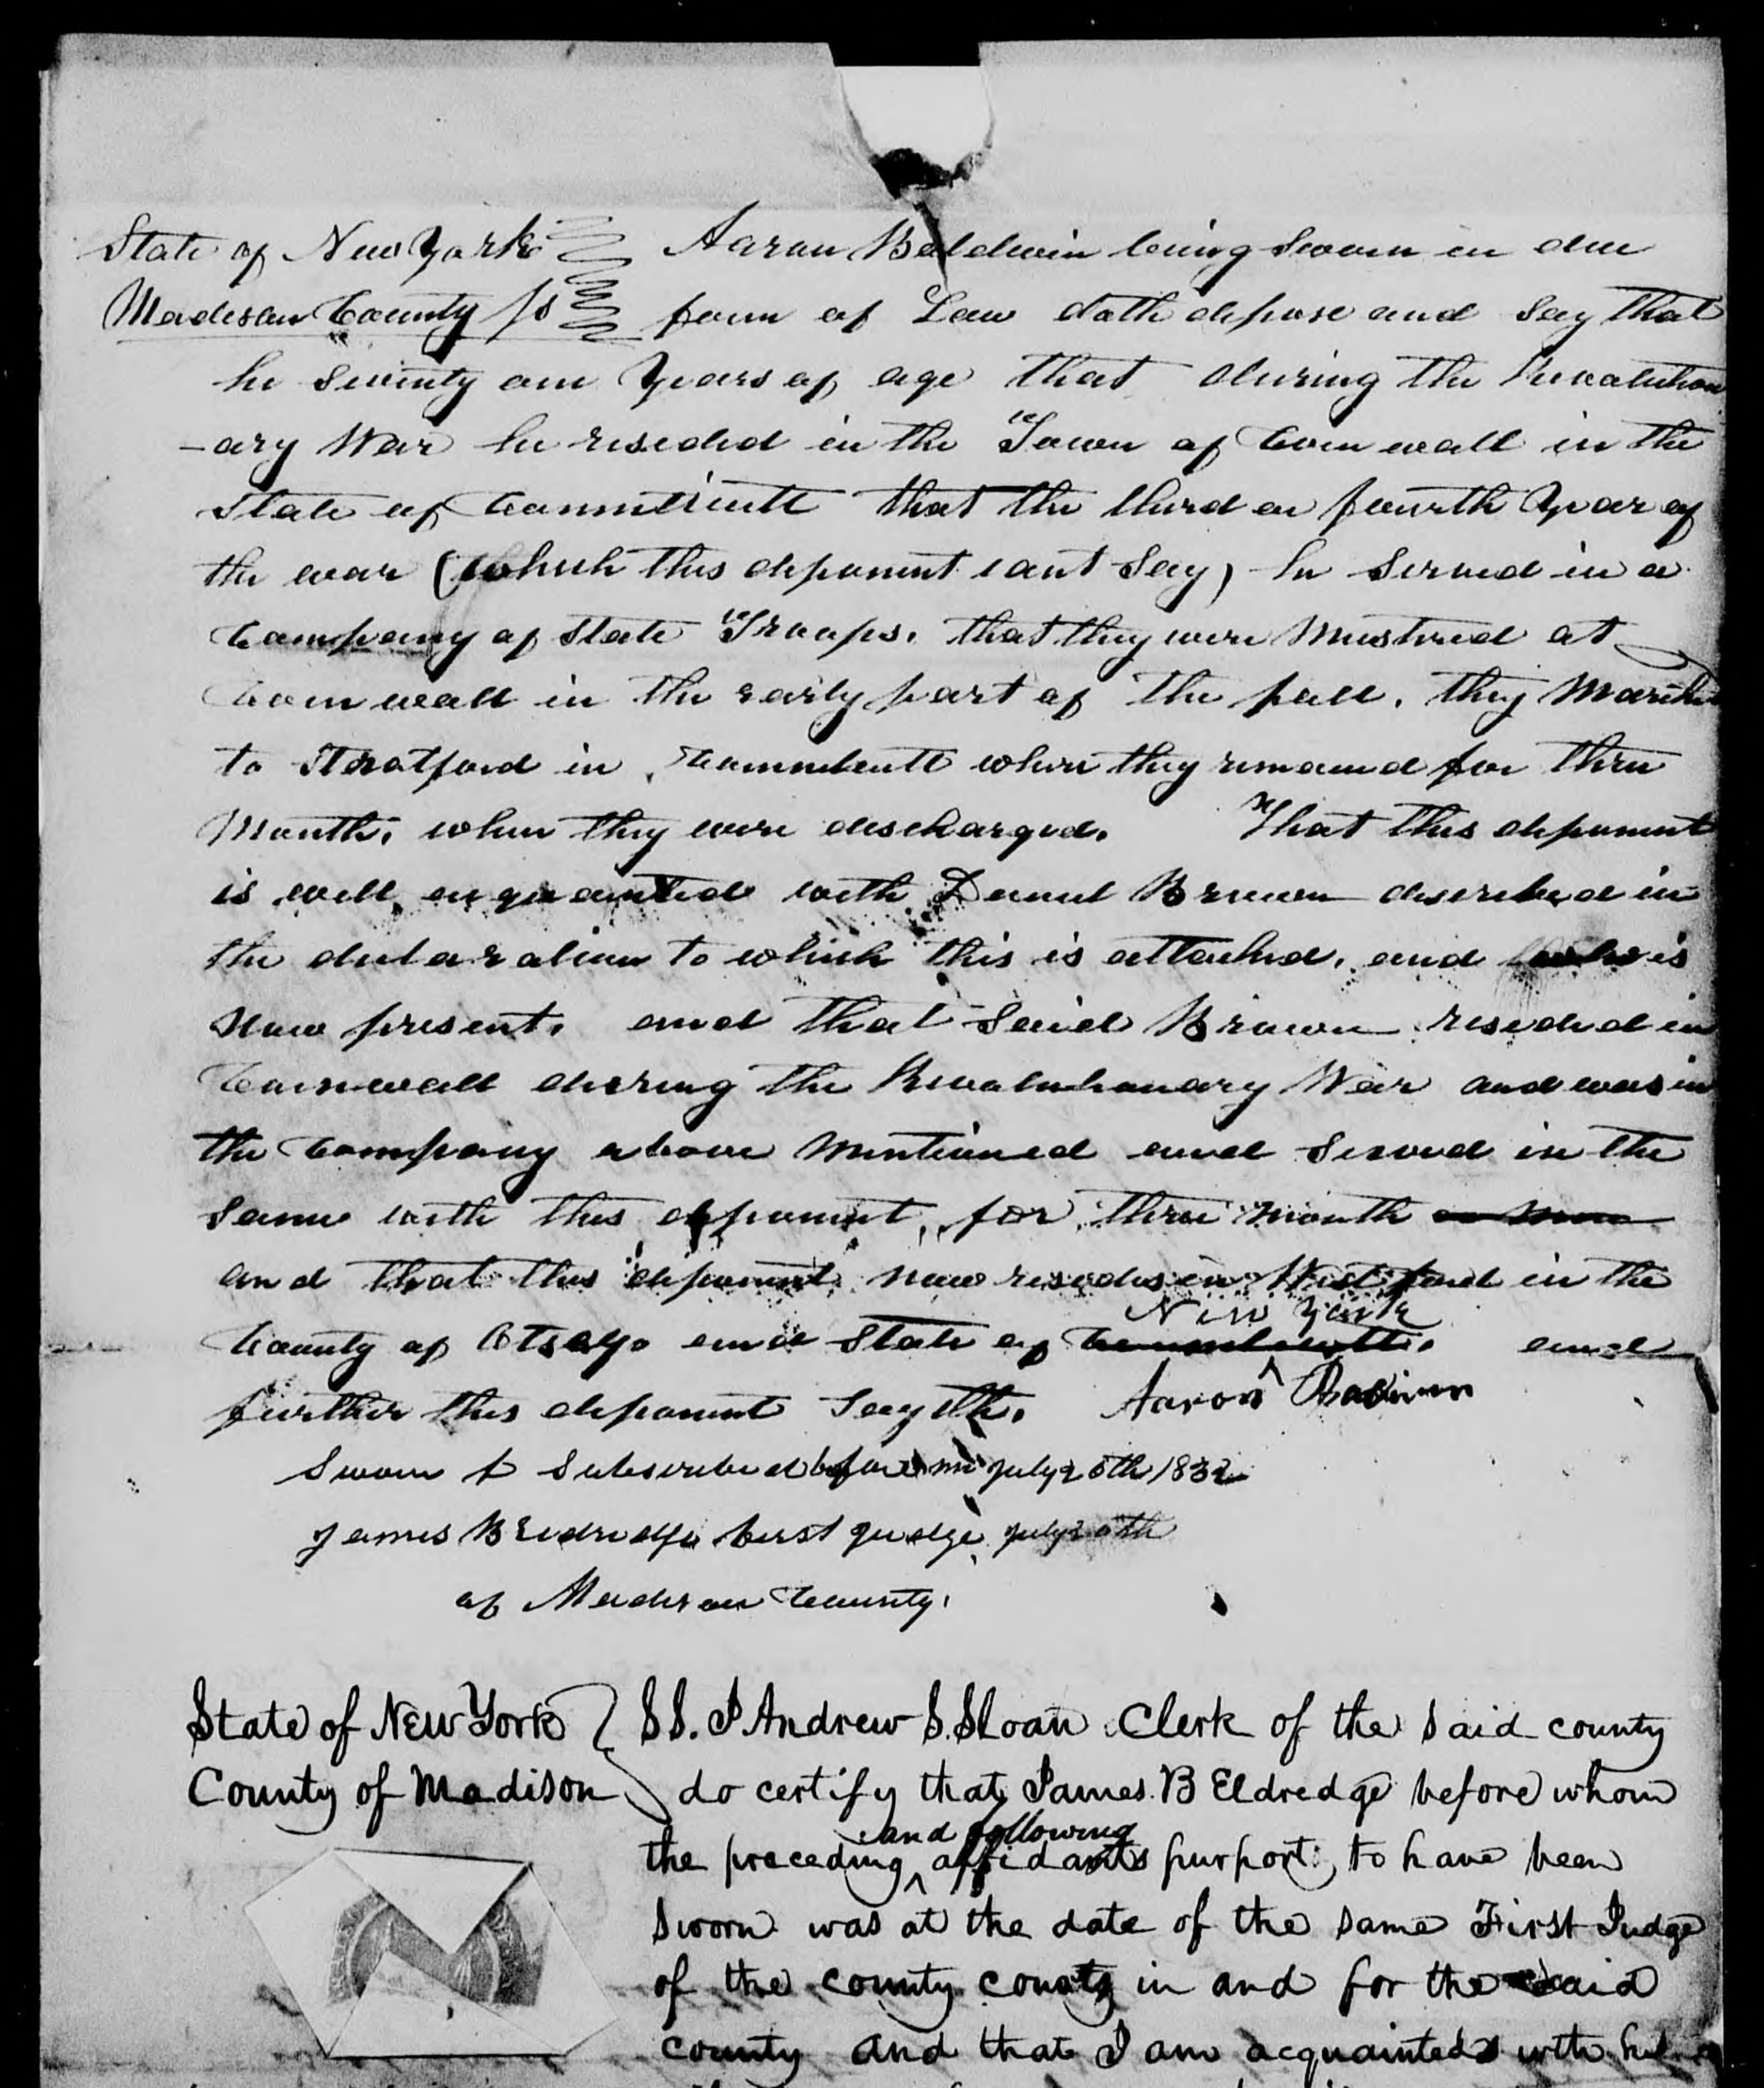State of New York}
Madison County Ss}
Aaron Baldwin being sworn in due form of law doth depose and say that he seventy one years of age that during the Revolutionary War he resided in the Town of Cornwall in the State of Connecticutt that he third or fourth year of the war (which this deponent can't say) he served in a company of State troops that they were mustered at Cornwall in the early part of the fall. They marched to Stratford in Conecticutt where they remained for three months; when they were discharged. That this deponent is well acquainted with Daniel Brown described in the declaration to which this is attached, and who is here present. and that said Brown resided in Cornwall during the Revolutionary War and was in the company above mentioned since service in the same with this deponent for three months and that his deponent now resides in Westford in the County of Otsego and State of New York. sense further this deponent sayeth. 
Aaron Baldwin
Sworn & Subscribed before me July 26th 1832
James B. Eldredge first Judge, July 26th
of Madison County

State of New York}
County of Madison} Ss.
B. Andrew S. Sloan Clerk of the said county do certify that James B. Eldredge before whom the preceding and following affidavits purport to have been sworn was at the date of the same First Judge of the County County in and for the said county and that I am acquainted with his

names: James B Eldredge, Brown, Aaron Baldwin, Aaron Baldwin, Andrew S Sloan, Daniel Brown, James B Eldredge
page: 9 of 37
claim: widow's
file: W. 20,787, Daniel Brown, Conn. Navy.